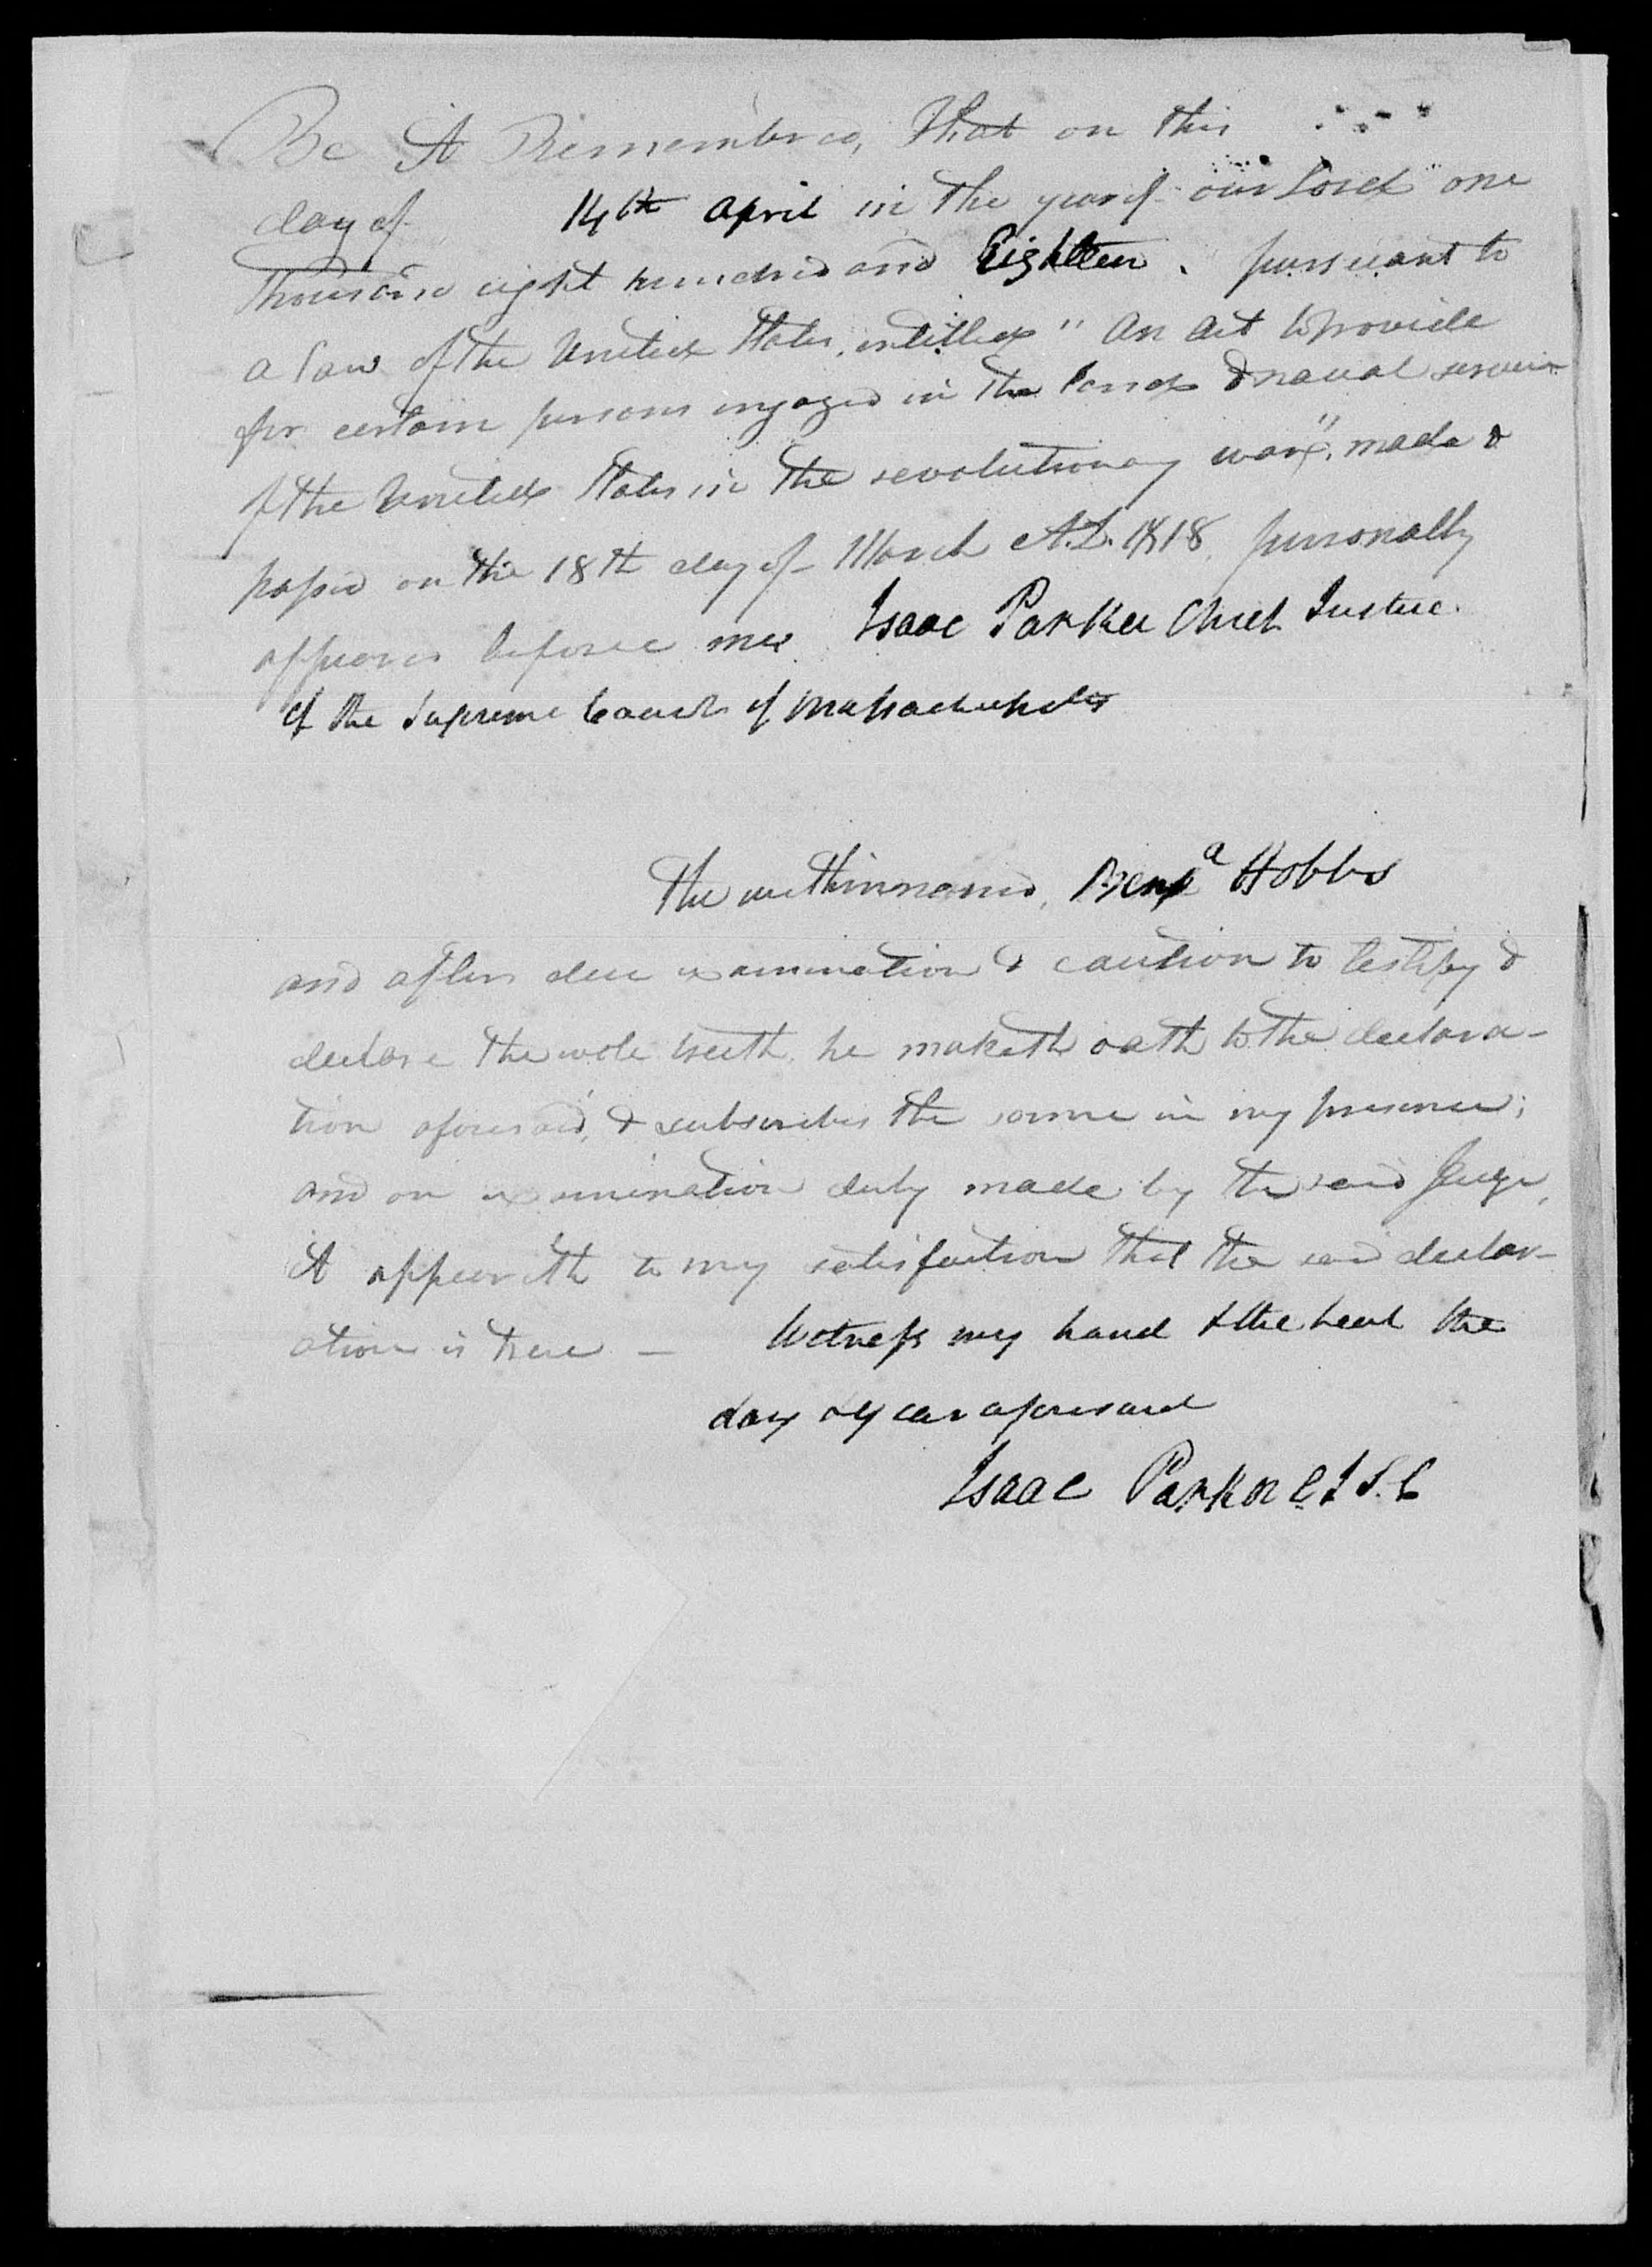Be A [illegible], that on this day of 14th April in the year of our Lord one thousand eight hundred and Eighteen, pursuant to a law of the United States, entitled "An Act to provide for certain persons engaged in the land & naval service of the United States in the Revolutionary War," made and passed on the 18th day of March A.D. 1818, personally appeared before me Isaac Parker Chief Justice of the Supreme Court of Massachusetts

The within named Benja Hobbs and after due examination& caution to testify & declare the whole truth, he maketh oath to the declaration aforesaid & subscribed the same in my presence; and on examination duly made by the said Judge, it appeareth to my satisfaction that the said declaration is true.
Witness my hand & the seal the day & year aforesaid.
Isaac Parker C.L.S.C.

[Seal]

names: Isaac Parker, Isaac Parker, Benja Hobbs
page: 7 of 13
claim: survivor's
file: S. 32,846, Benjamin Hobbs, Continental Mass. & War Of 1812